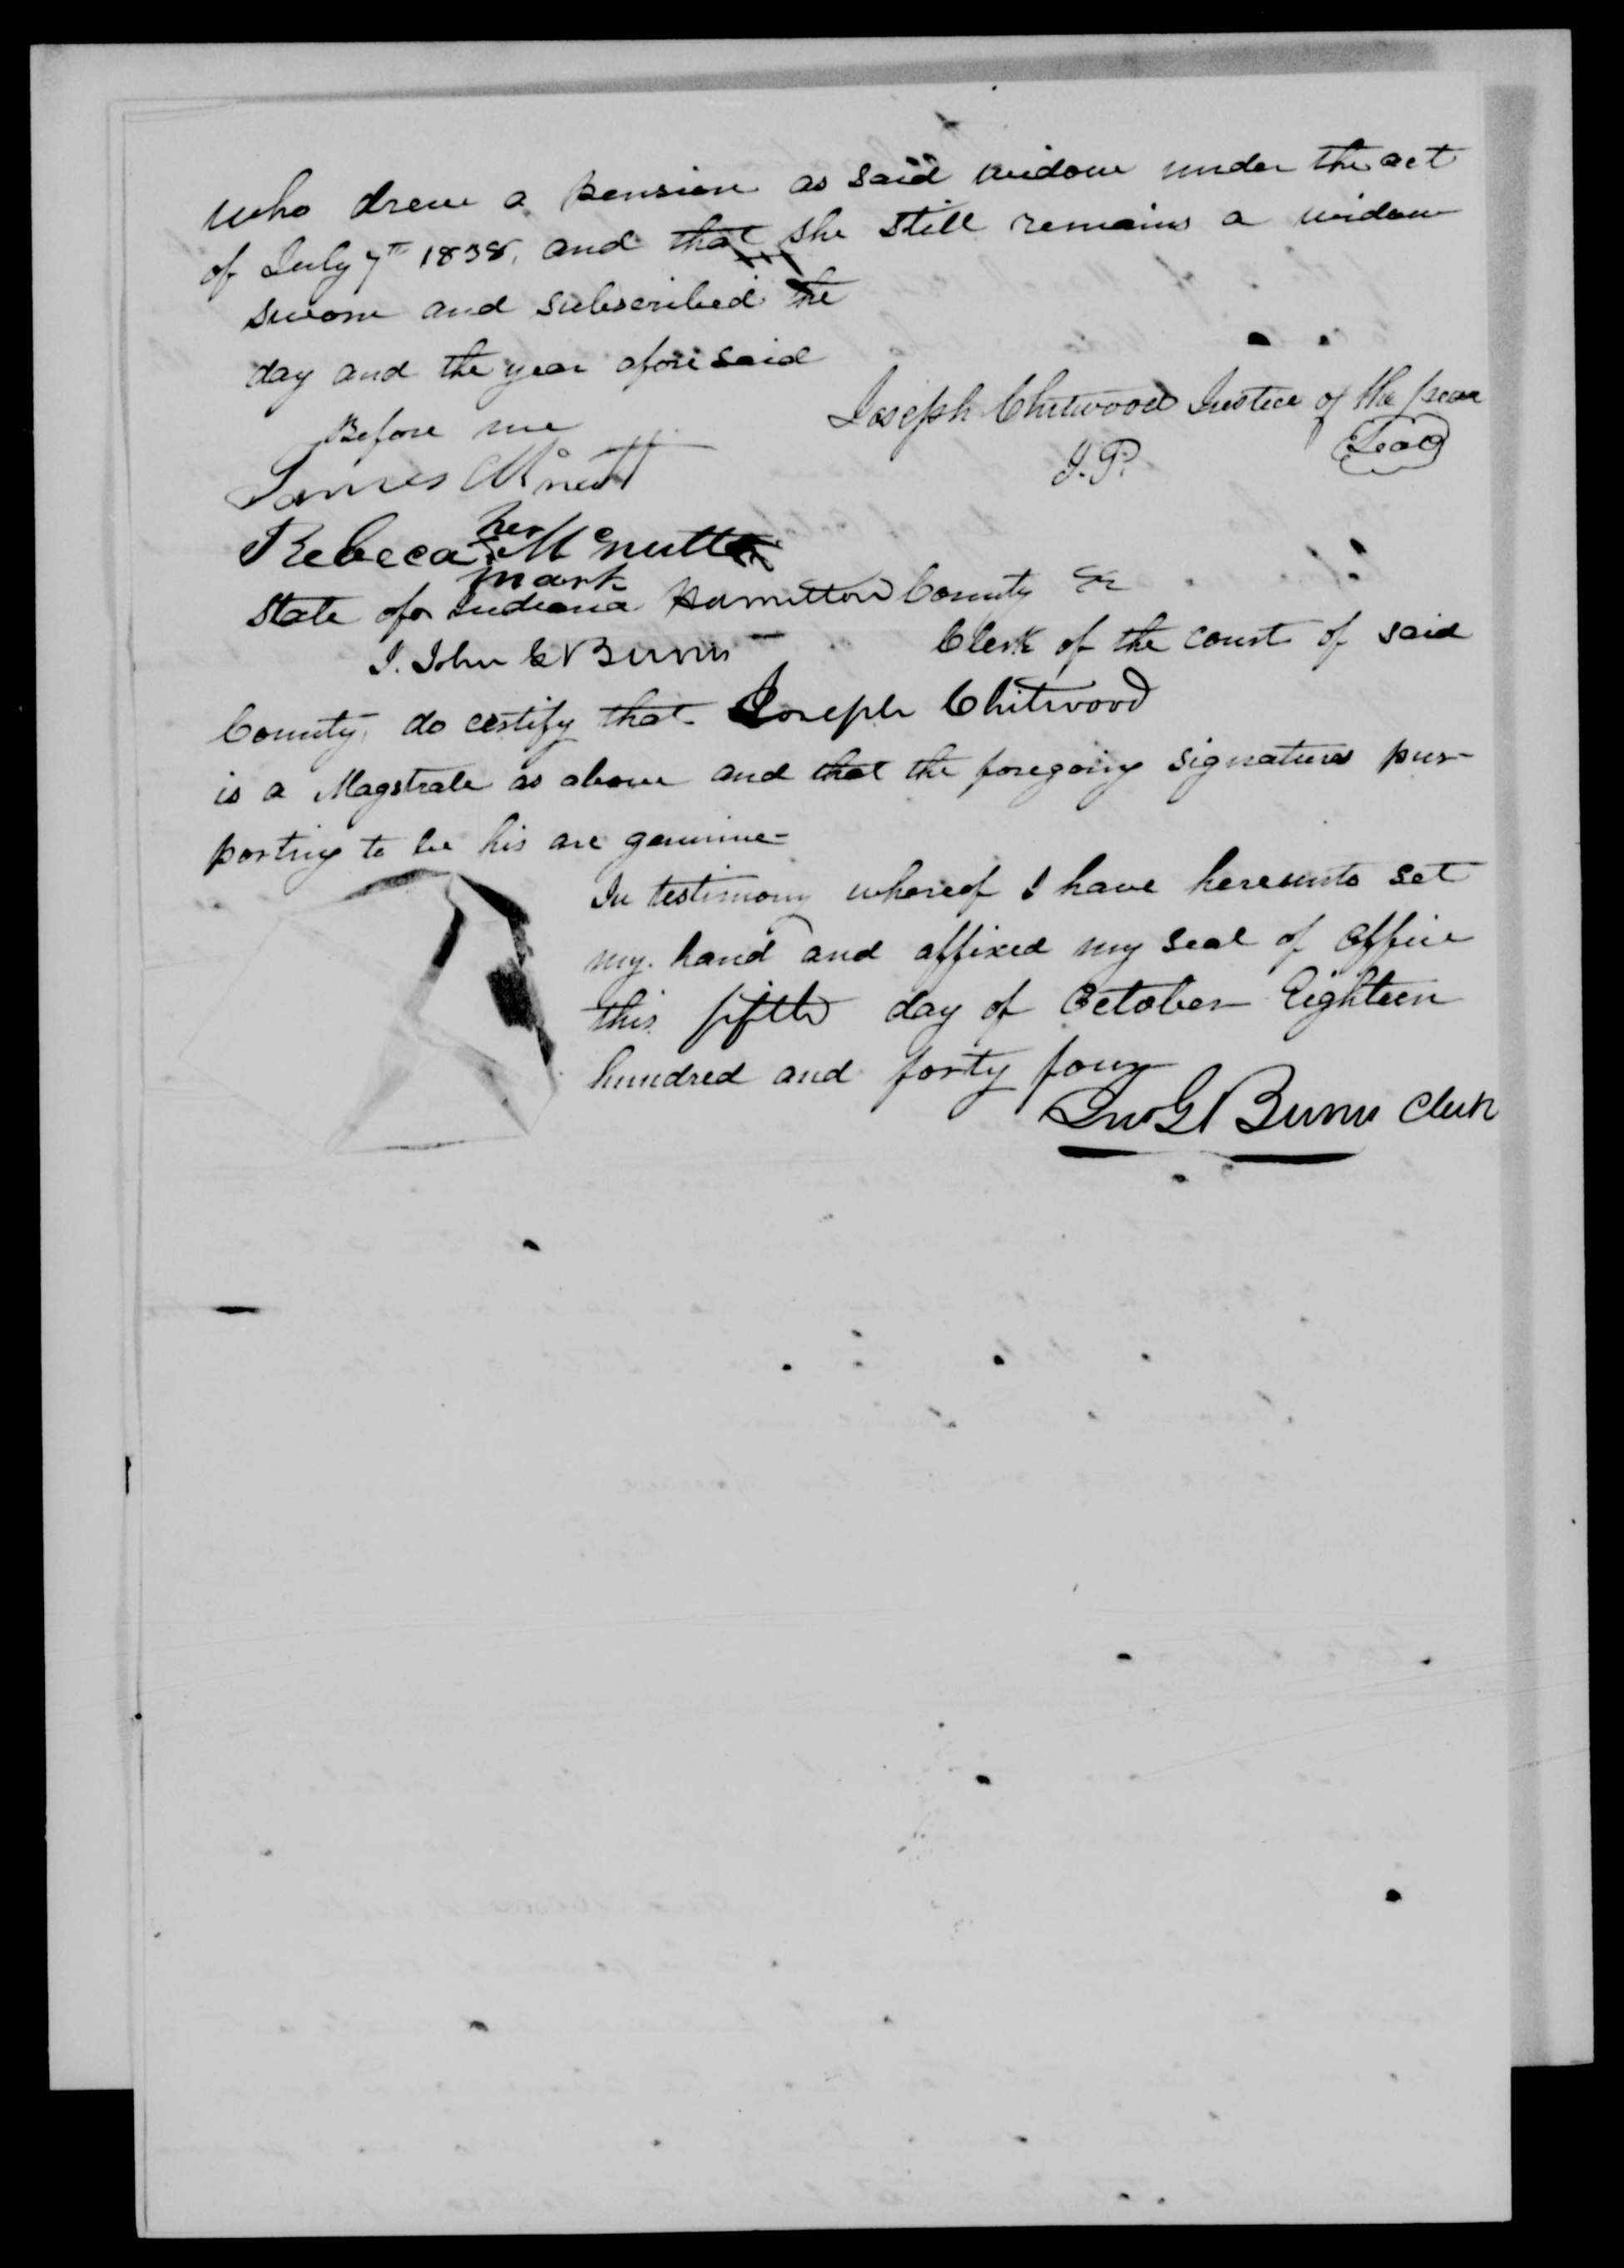who drew a pension as said widow under the act of July 7th 1838, and that she still remains a widow 
Sworn and subscribed the
day and the year aforesaid
Before me Joseph Chitwood Justice of the peace
James McNutt J.P. Seal
Rebeca x her mark McNutt
State of Indiana Hamilton County ss
I, John G Burns Clerk of the Court of said County, do certify that Joseph Chitwood is a Magistrate as above and that the foregoing signatures purporting to be his are genuine
In testimony whereof I have hereunto set my hand and affixed my seal of Office this fifth day of October Eighteen hundred and forty four
Jno G Burns Clerk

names: Joseph Chitwood, Jno G Burns, John G Burns, James Mc Nutt, Rebeca Mc Nutt, Joseph Chitwood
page: 21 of 27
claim: widow's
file: W. 9860, Samuel Torrons, Va.